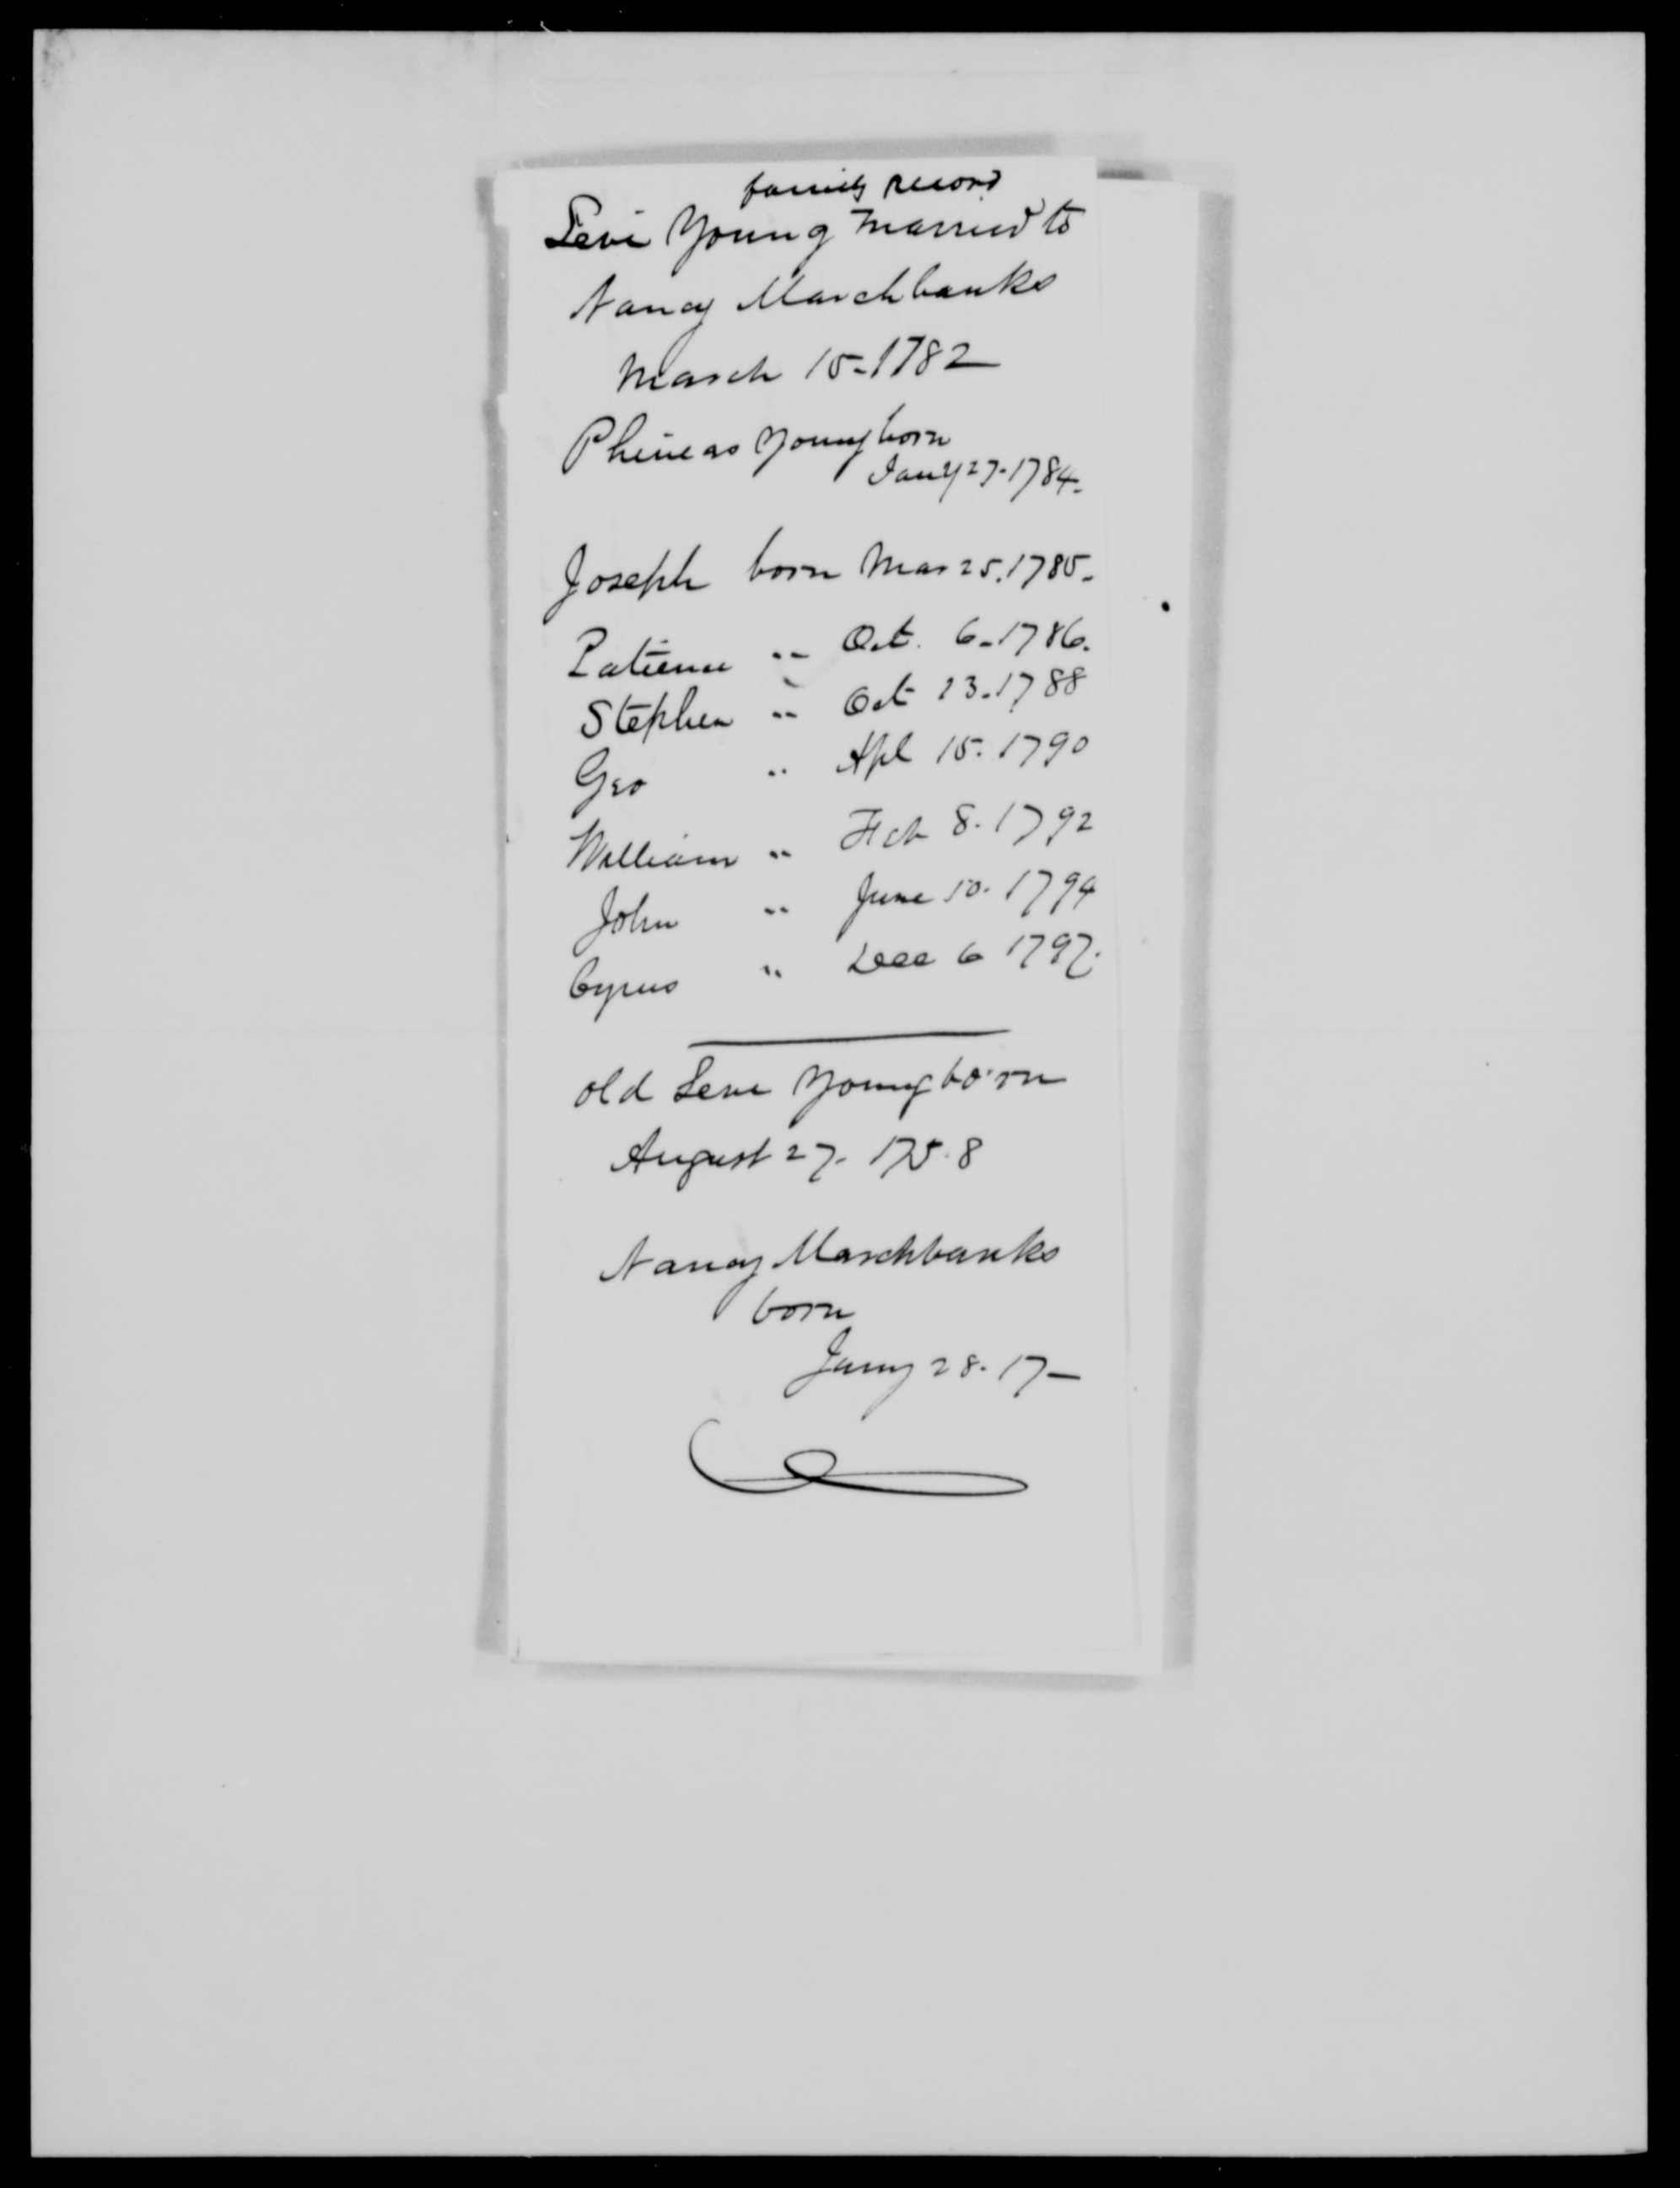family record
Levi Young married to
Nancy marchbanks
March 15, 1k782
Phineas Young born
Jany [January] 27, 1784.
Joseph born Mar 25, 1785.
Patience " Oct. 6, 1786.
Stephen " Oct 13, 1788
Geo [George] " Apl 15, 1790
William " Feb 8, 1792
John " June 10, 1794
Cyrus " Dec 6, 1797

Old Levi Young born
August 27, 1758

Nancy Marchbanks
born
Jany [January] 28, 17--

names: William, Cyrus, Phineas Young, Levi Young, Joseph, Nancy Marchbanks, Patience, Geo, John, Stephen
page: 34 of 56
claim: widow's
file: W. 9040, Levi Young, Ga. New Jersey S.C.